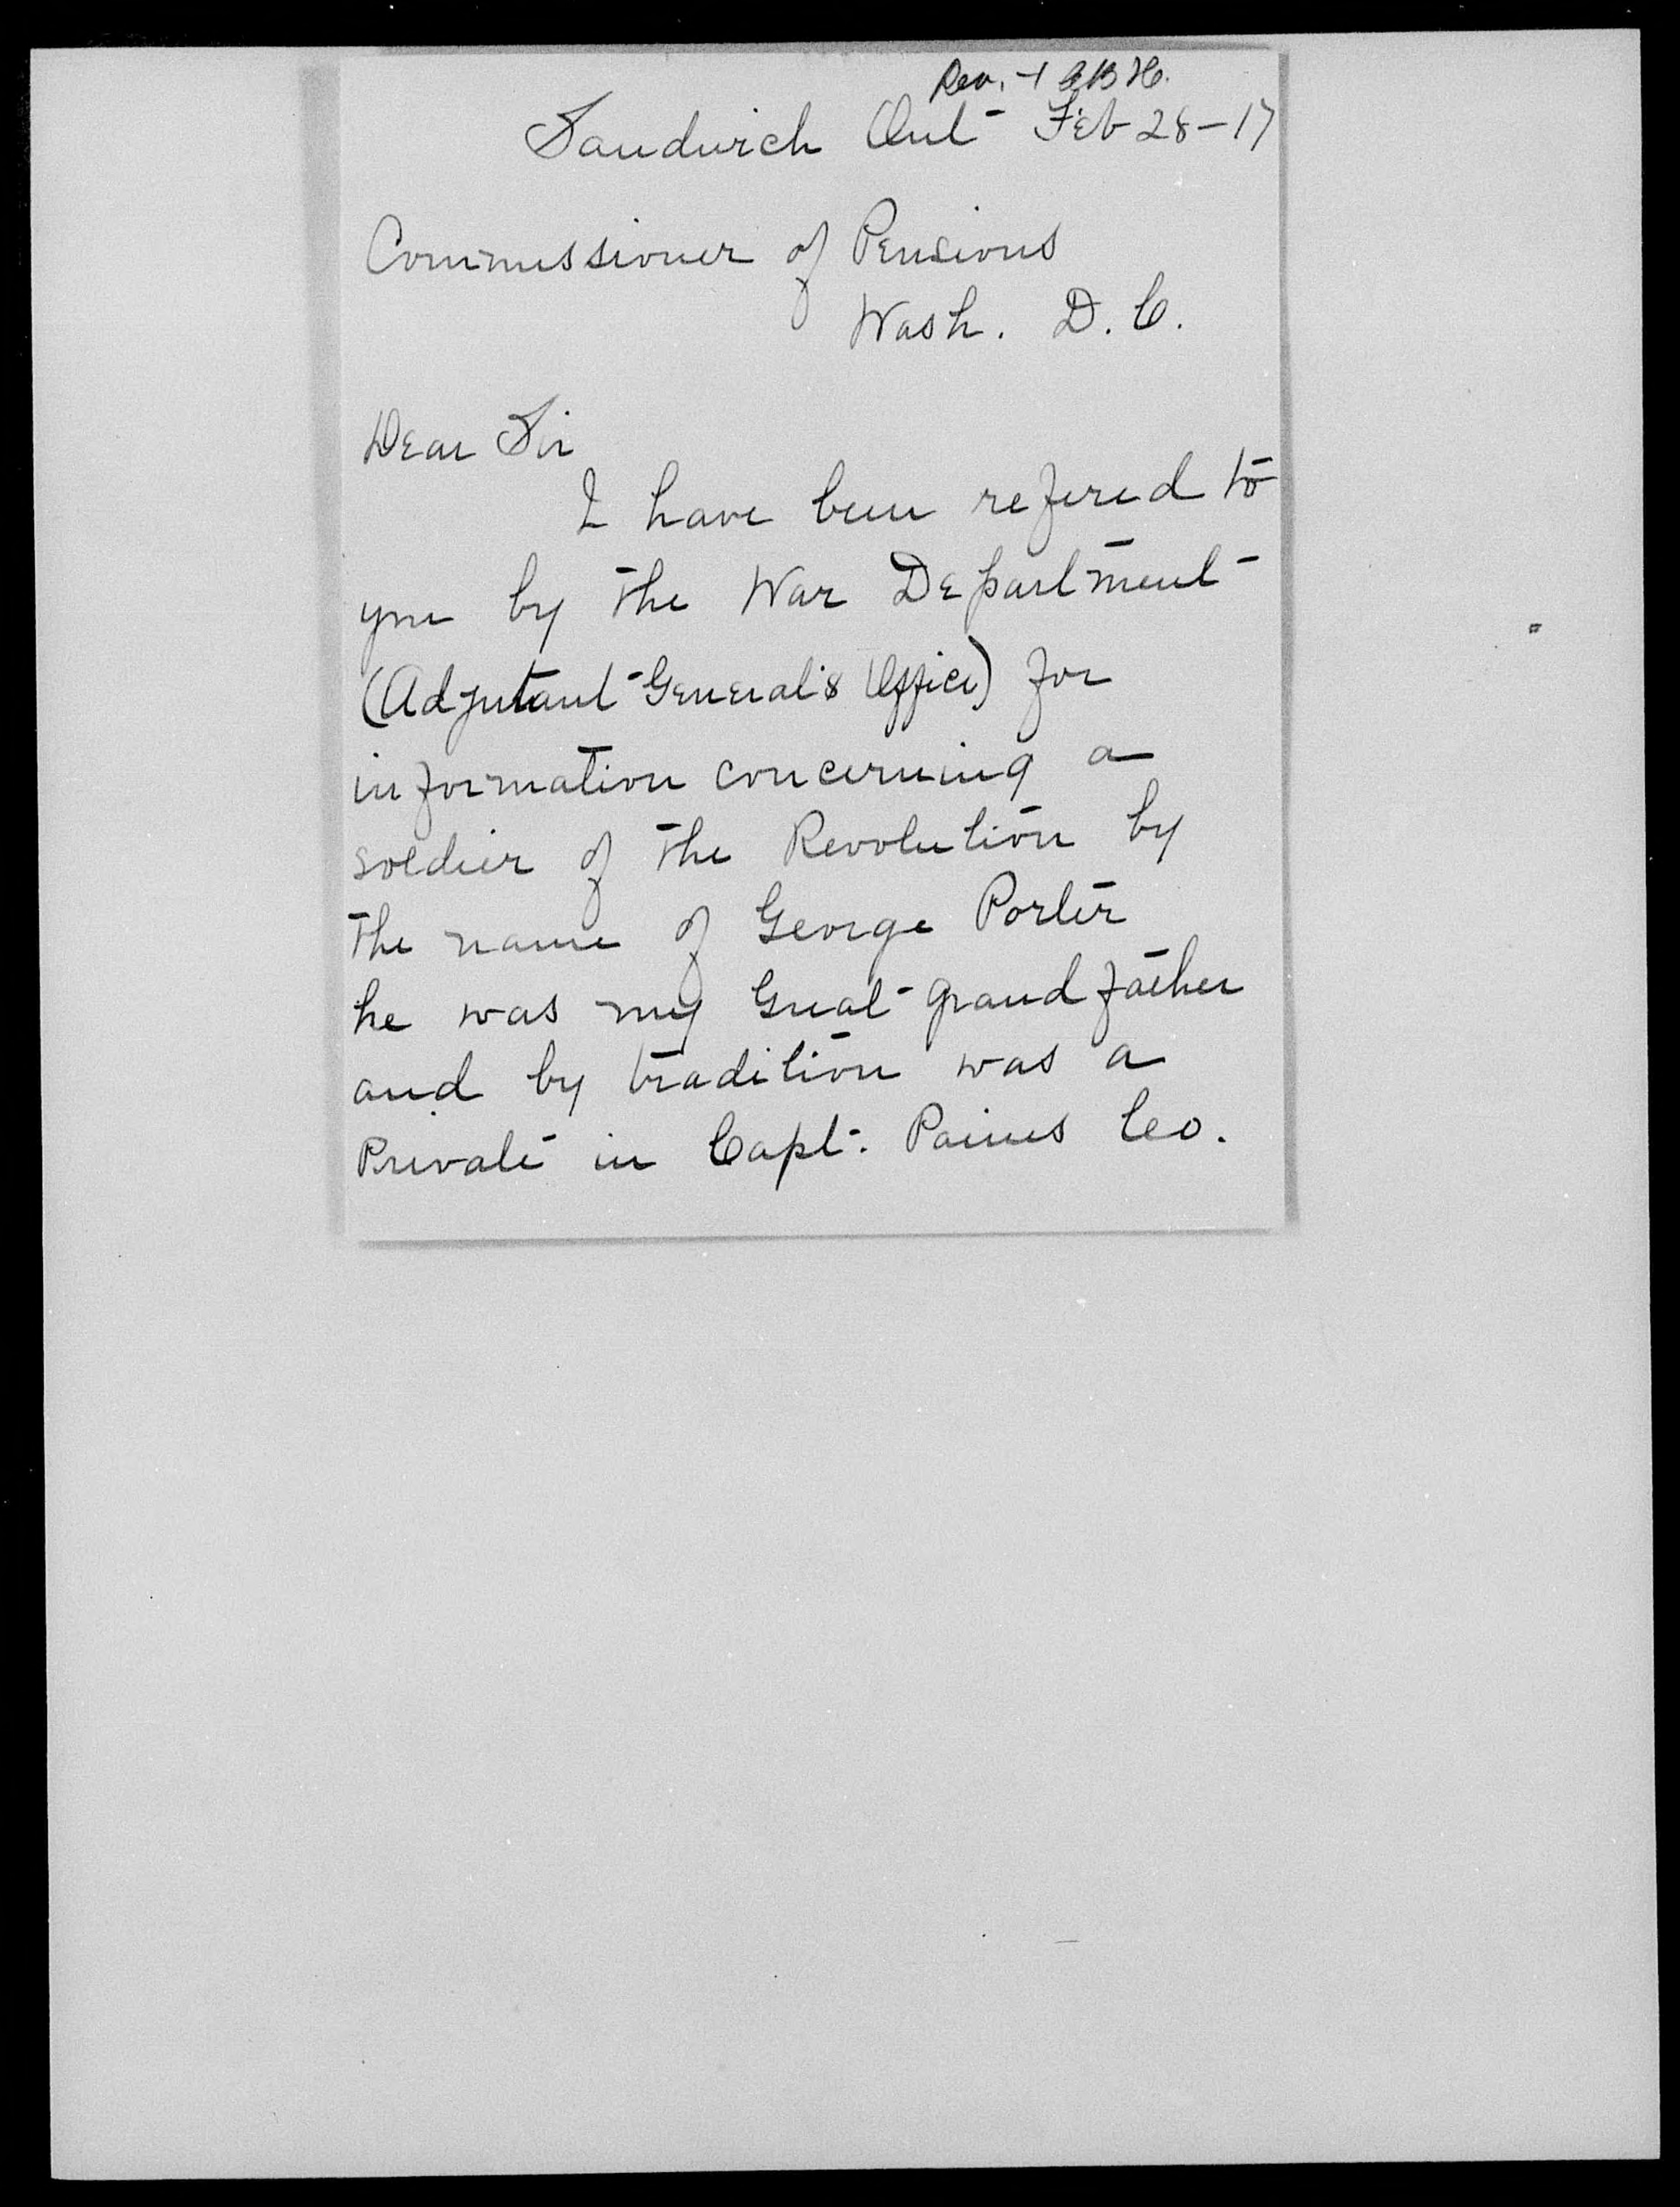Rev. -1 ABH.
Sandwich Ont Feb 28-17

Commissioner of Pensions
Wash. D. C.

Dear Sir
I have been refered to you by the War Department (Adjutant General's Office) for information concerning a soldier of the Revolution by the name of George Porter he was my Great grandfather and by tradition was a Private in Capt. Paines Co.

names: George Porter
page: 33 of 49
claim: widow's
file: W. 2164, for George Porter, Massachusetts